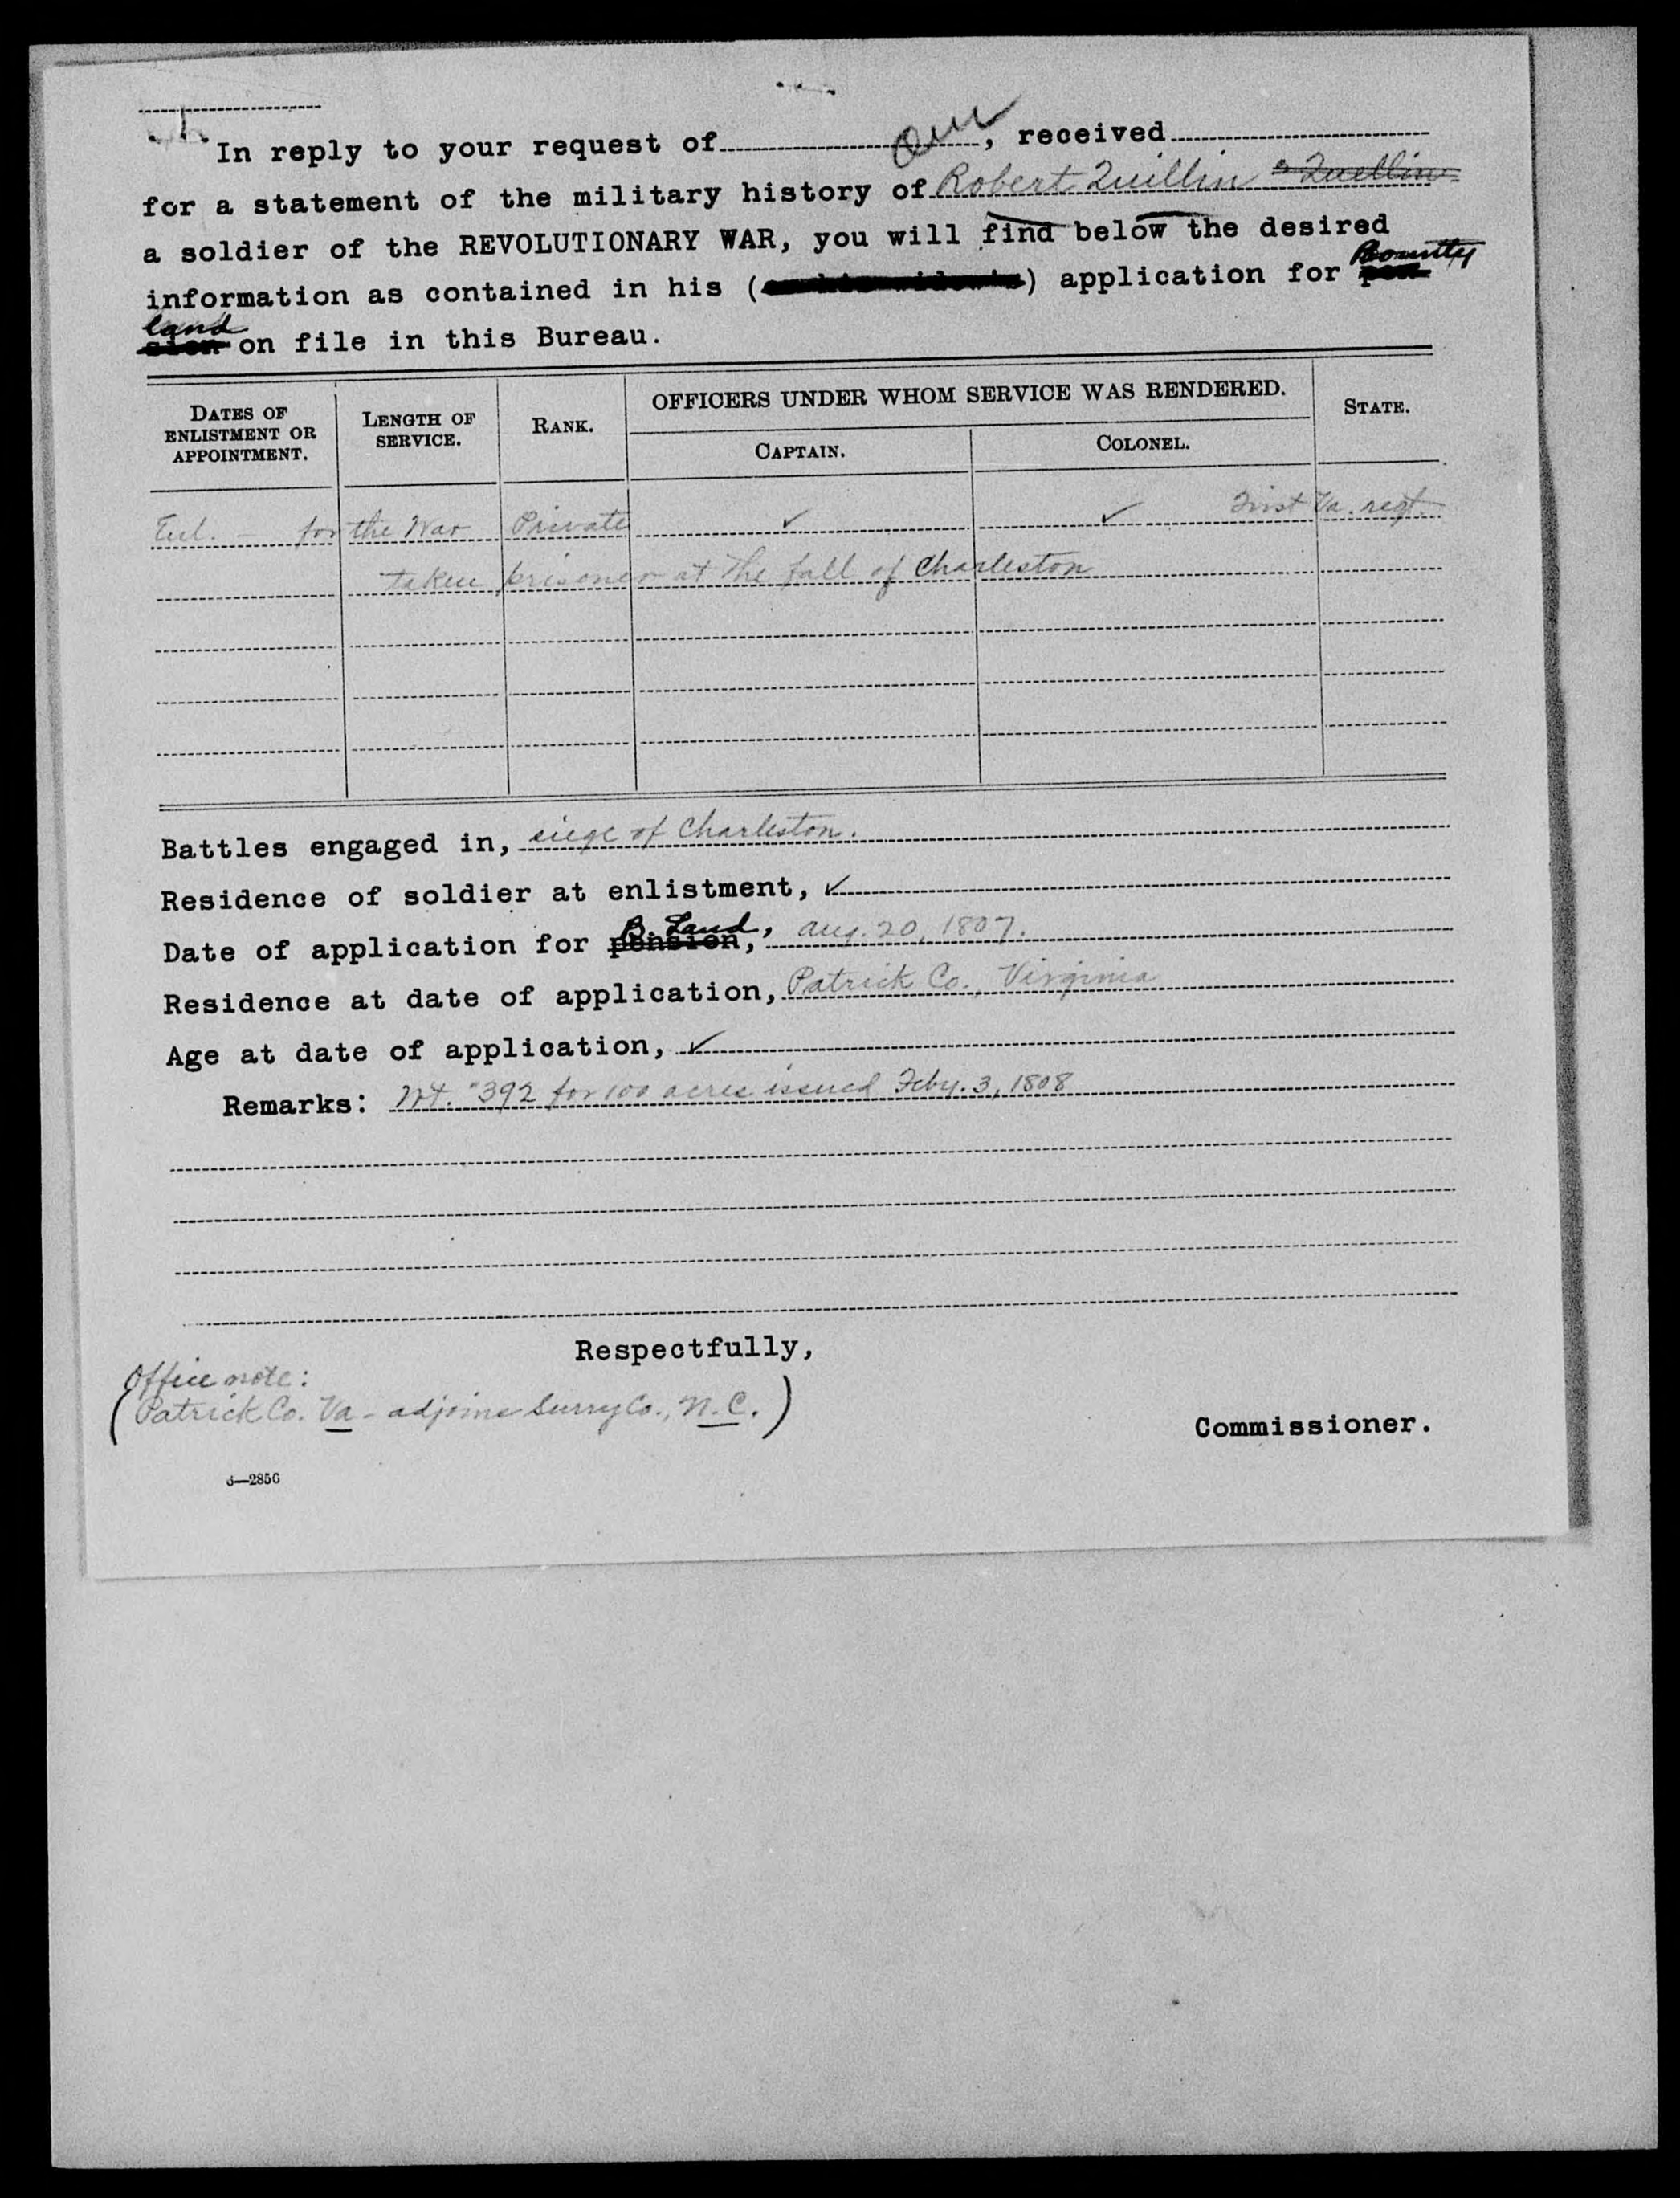In reply to your request of ---, received___ for a statement of the military history of Robert Quillin a soldier of the REVOLUTIONARY WAR, you will find below the desired information as contained in his application for Bounty land on file in this Bureau.
DATES OF ENLISTMENT OR APPOINTMENT.
Enl. - for the War
LENGTH OF SERVICE. for the War 
RANK. Private
OFFICERS UNDER WHOM SERVICE WAS RENDERED.
CAPTAIN.
COLONEL.
STATE. First Va. regt.
taken prisoner at the fall of Charleston
Battles engaged in, siege of Charleston.
Residence of soldier at enlistment,
Date of application for B. Land, Aug 20 1807.
Residence at date of application, Patrick Co. Virginia
Age at date of application,
Remarks: Wt. 392 for 100 acres issued Feby. 3, 1808

Respectfully,
Commissioner.
Office Note: (Patrick Co. Va - adjoins Surry Co. N.C.)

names: Robert Quillin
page: 10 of 12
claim: bounty land warrant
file: B. L. Wt. 392-100, for Robert Quillin, Virginia